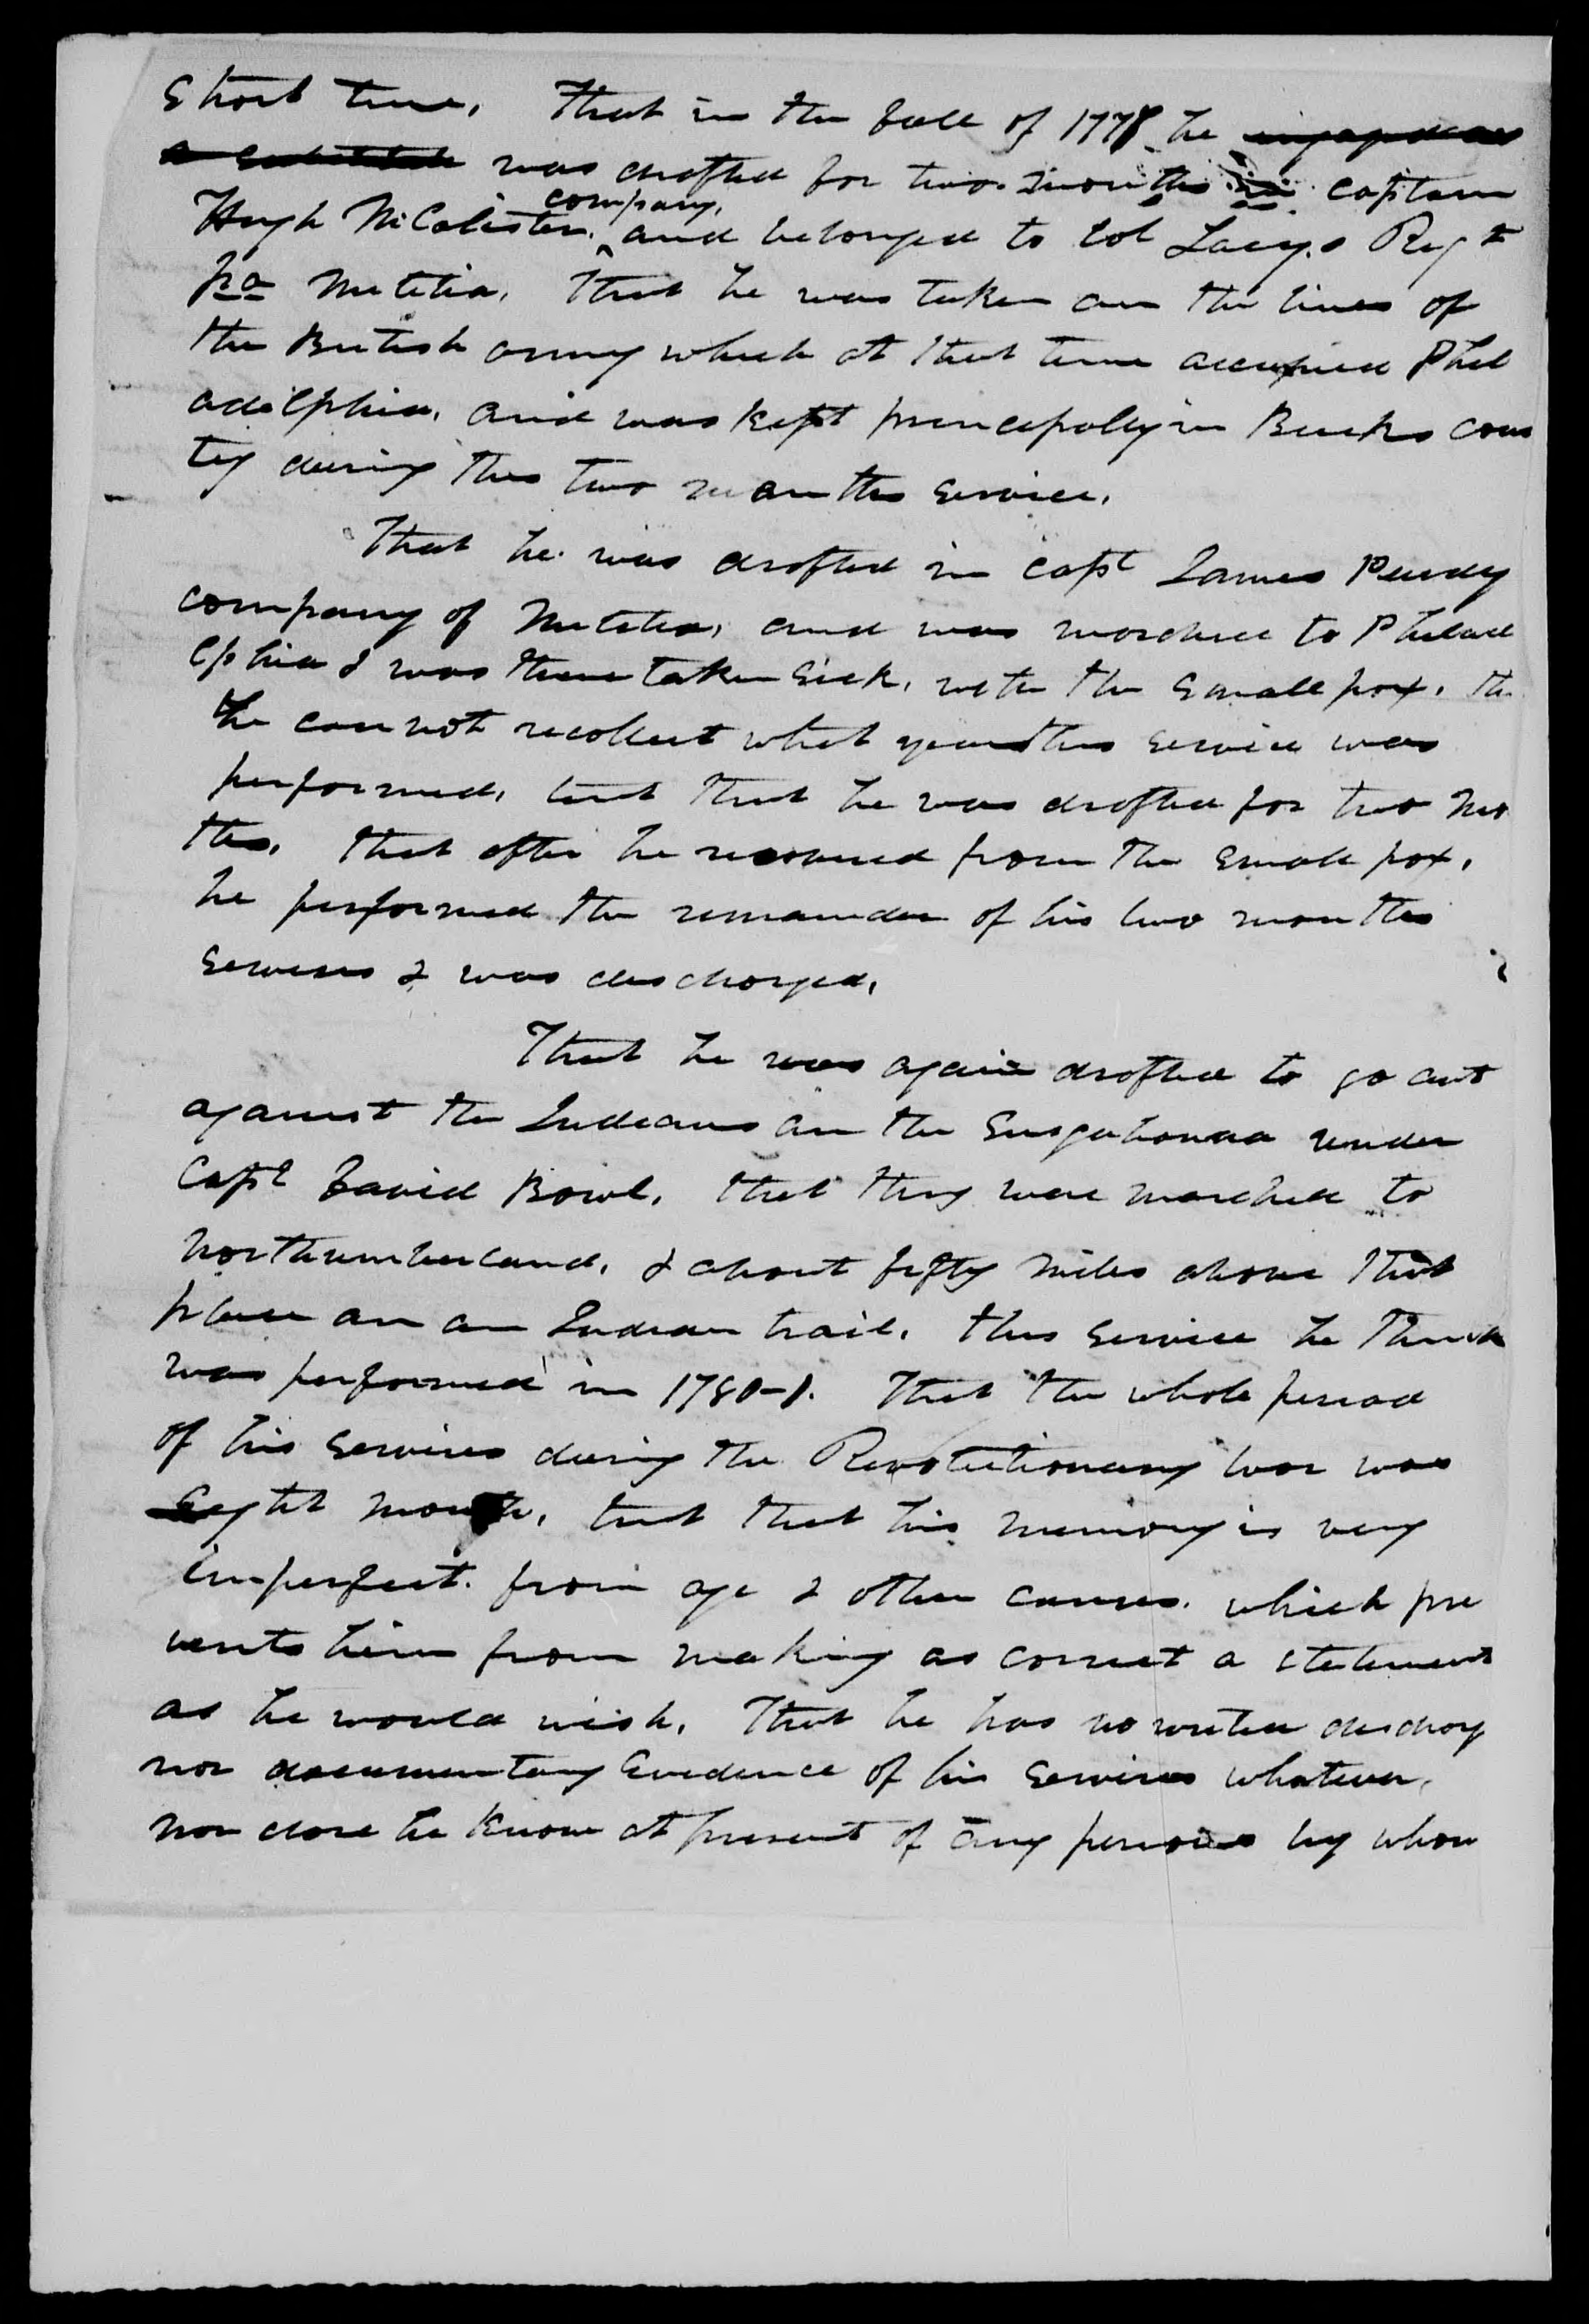short time.  That in the fall of 1778 he 
was drafted for two [illegible] this Captain
Hugh McCaliston's company and belonged Col. Lacey ?
? militia. That he was taken on the lines of 
the British army which at that time occupied Phil-
delphia and was kept principally in Burks coun-
ty during this two months service.
That he was drafted in Capt James Purdy 
company of militia, and was marched to  Philidel-
phia & was there taken sick with the small pox.  That
he cannot recollect what year his service was
performed, but that he was drafted for two mon-
ths, that after he recovered from the small pox,
he performed the remainder of his two months 
service & was discharged.
That he was again drafted to go fight (?)
against the Indians on the Susquehanna under
Capt. David Bowl. That they were marched to
North Cumberland & about fifty miles above this
place an n {illegible} Indian Trail.  This service he thinks
was performed in 1780-1.  That the whole period 
of his services during the Revolutionary war was 
eight months, but his memory is very
imperfect from age & other causes which pre-
vents him from making as correct a statement
as he would wish. That he has no written history
nor documentary evidence of his service whatever,
nor does he know at present of any persons by whom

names: David Bowl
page: 5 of 9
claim: survivor's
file: S. 2139, James Coen, Penn.